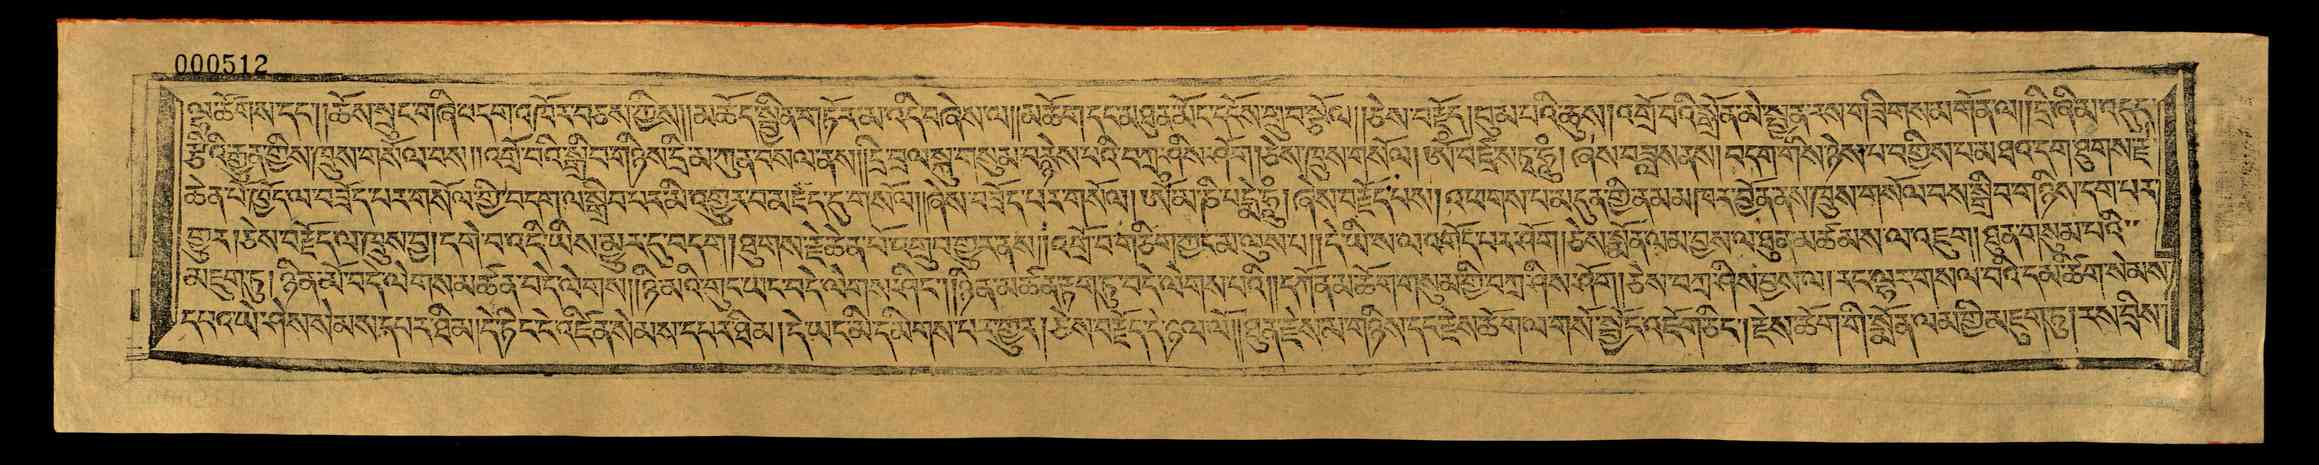ལྷ་ཚོགས་དང་། །ཆོས་སྲུང་གཞི་བདག་འཁོར་བཅས་ཀྱིས། །མཆོད་སྦྱིན་གཏོར་མ་འདི་བཞེས་ལ། །མཆོག་དང་མཐུན་མོང་དངོས་གྲུབ་སྩོལ། །ཅེས་བརྗོད། བུམ་པའི་ཆུས། འགྲོ་བའི་སྒྲོན་མེ་སྤྱིན་རས་གཟིགས་མགོན་ལ། །དྲི་ཞིམ་བདུད་
རྩིའི་རྒྱུན་གྱིས་ཁྲུས་གསོལ་བས། །འགྲོ་བའི་སྒྲིབ་གཉིས་དྲི་མ་ཀུན་བསལ་ནས། །དྲི་བྲལ་སྐུ་གསུམ་བརྙེས་པའི་བཀྲ་ཤིས་ཤོག །ཅེས་ཁྲུས་གསོལ། ཨོཾ་བཛྲ་ས་ཏྭ་ཧཱུཾ། ཞེས་བཟླས་ནས། བདག་གིས་ཉེས་པ་བགྱིས་པ་མཐའ་དག་ཐུགས་རྗེ་
ཆེན་པོ་ཁྱེད་ལ་བཟོད་པར་གསོལ་གྱི་བདག་ལ་སྒྲིབ་པར་མི་འགྱུར་བ་མཛད་དུ་གསོལ། ཞེས་བཟོད་པར་གསོལ། ཨོཾ་མ་ཎི་པདམེ་ཧཱུཾ། ཞེས་བརྗོད་པས། འཕགས་པ་མདུན་གྱི་ནམ་མཁར་བྱོན་ནས་ཁྲུས་གསོལ་བས་སྒྲིབ་གཉིས་དག་པར་
གྱུར། ཅེས་བརྗོད་ལ་ཁྲུས་བྱ། དགེ་བ་འདི་ཡི་ས་མྱུར་དུ་བདག །ཐུགས་རྗེ་ཆེན་པོ་འགྲུབ་གྱུར་ནས། །འགྲོ་བ་གཅིག་ཀྱང་མ་ལུས་པ། །དེ་ཡི་ས་ལ་འགོད་པར་ཤོག །ཅེས་སྨོན་ལམ་བྱས་ལ་ཐུན་མཚམས་ལ་འཇུག །ཐུན་གསུམ་པའི་
མཇུག་ཏུ། ཉིན་མོ་བདེ་ལེགས་མཚན་བདེ་ལེགས། །ཉི་མའི་གུང་ཡང་བདེ་ལེགས་ཤིང་། །ཉིན་མཚན་རྟག་ཏུ་བདེ་ལེགས་པའི། །དཀོན་མཆོག་གསུམ་གྱི་བཀྲ་ཤིས་ཤོག །ཅེས་བཀྲ་ཤིས་བྱས་ལ། རང་ལྷར་གསལ་བའི་དམ་ཚིག་སེམས་
དཔའ་ཡེ་ཤེས་སེམས་དཔར་ཐིམ། དེ་ཏིང་ངེ་འཛིན་སེམས་དཔར་ཐིམ། དེ་ཡང་མི་དམིགས་པར་གྱུར། ཅེས་བརྗོད་དེ་ཉལ་ལོ། །ཐུན་རྗེས་མ་གཉིས་དང་རྗེས་ཆོག་ལ་གསོ་སྦྱོང་འཇོག་ཅིང་། རྗེས་ཆོག་གི་སྨོན་ལམ་གྱི་མཇུག་ཏུ། རས་བྲིས་